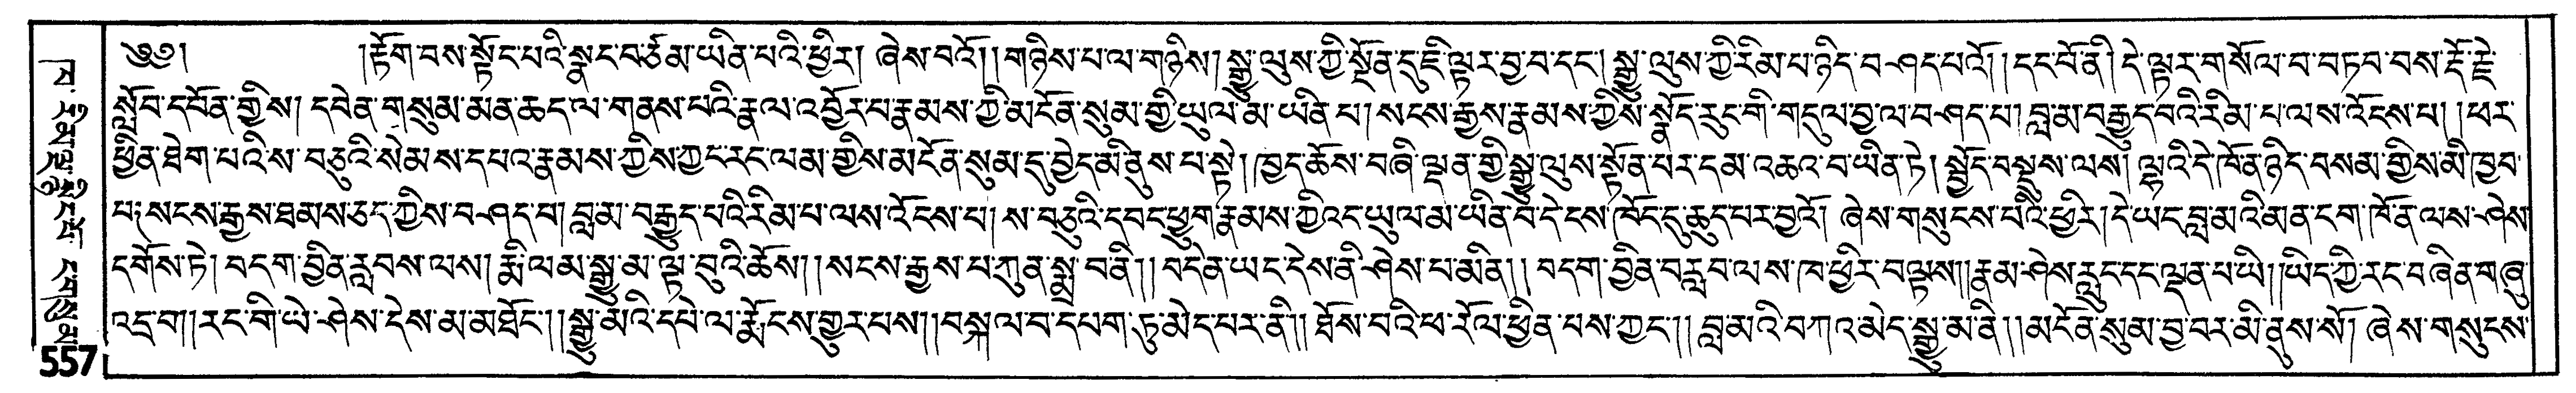༄༅། །རྟོག་པས་སྟོང་པའི་སྣང་བ་ཙམ་ཡིན་པའི་ཕྱིར། ཞེས་པའོ། །གཉིས་པ་ལ་གཉིས། སྒྱུ་ལུས་ཀྱི་སྔོན་དུ་ཇི་ལྟར་བྱ་བ་དང་། སྒྱུ་ལུས་ཀྱི་རིམ་པ་ཉིད་བཤད་པའོ། །དང་པོ་ནི། དེ་ལྟར་གསོལ་བ་བཏབ་པས་རྡོ་རྗེ་
སློབ་དཔོན་གྱིས། དབེན་གསུམ་མན་ཆད་ལ་གནས་པའི་རྣལ་འབྱོར་པ་རྣམས་ཀྱི་མངོན་སུམ་གྱི་ཡུལ་མ་ཡིན་པ། སངས་རྒྱས་རྣམས་ཀྱིས་སྣོད་རུང་གི་གདུལ་བྱ་ལ་བཤད་པ། བླ་མ་བརྒྱུད་པའི་རིམ་པ་ལས་འོངས་པ། །ཕར་
ཕྱིན་ཐེག་པའི་ས་བཅུའི་སེམས་དཔའ་རྣམས་ཀྱིས་ཀྱང་རང་ལམ་གྱིས་མངོན་སུམ་དུ་བྱེད་མི་ནུས་པ་སྟེ། ཁྱད་ཆོས་བཞི་ལྡན་གྱི་སྒྱུ་ལུས་སྟོན་པར་དམ་འཆའ་བ་ཡིན་ཏེ། སྤྱོད་བསྡུས་ལས། ལྷའི་དེ་ཁོ་ན་ཉིད་བསམ་གྱིས་མི་ཁྱབ་
པ༑ སངས་རྒྱས་ཐམས་ཅད་ཀྱིས་བཤད་པ། བླ་མ་བརྒྱུད་པའི་རིམ་པ་ལས་འོངས་པ། ས་བཅུའི་དབང་ཕྱུག་རྣམས་ཀྱིའང་ཡུལ་མ་ཡིན་པ་དེ་ངས་ཁོང་དུ་ཆུད་པར་བྱའོ། ཞེས་གསུངས་པའི་ཕྱིར། དེ་ཡང་བླ་མའི་མན་ངག་ཁོ་ན་ལས་ཤེས་
དགོས་ཏེ། བདག་བྱིན་རླབས་ལས། རྨི་ལམ་སྒྱུ་མ་ལྟ་བུའི་ཆོས། །སངས་རྒྱས་པ་ཀུན་སྨྲ་བ་ནི། །བདེན་ཡང་དེས་ནི་ཤེས་པ་མིན། །བདག་བྱིན་བརླབ་ལས་ཁ་ཕྱིར་བལྟས། །རྣམ་ཤེས་རླུང་དང་ལྡན་པ་ཡི། །ཡིད་ཀྱི་རང་བཞིན་གཞུ་
འདྲ་བ། །རང་གི་ཡེ་ཤེས་དེས་མ་མཐོང་། །སྒྱུ་མའི་དཔེ་ལ་རྨོངས་གྱུར་པས། །བསྐལ་བ་དཔག་ཏུ་མེད་པར་ནི། །ཐོས་པའི་ཕ་རོལ་ཕྱིན་པས་ཀྱང་། །བླ་མའི་བཀའ་མེད་སྒྱུ་མ་ནི། །མངོན་སུམ་བྱ་བར་མི་ནུས་སོ། ཞེས་གསུངས་